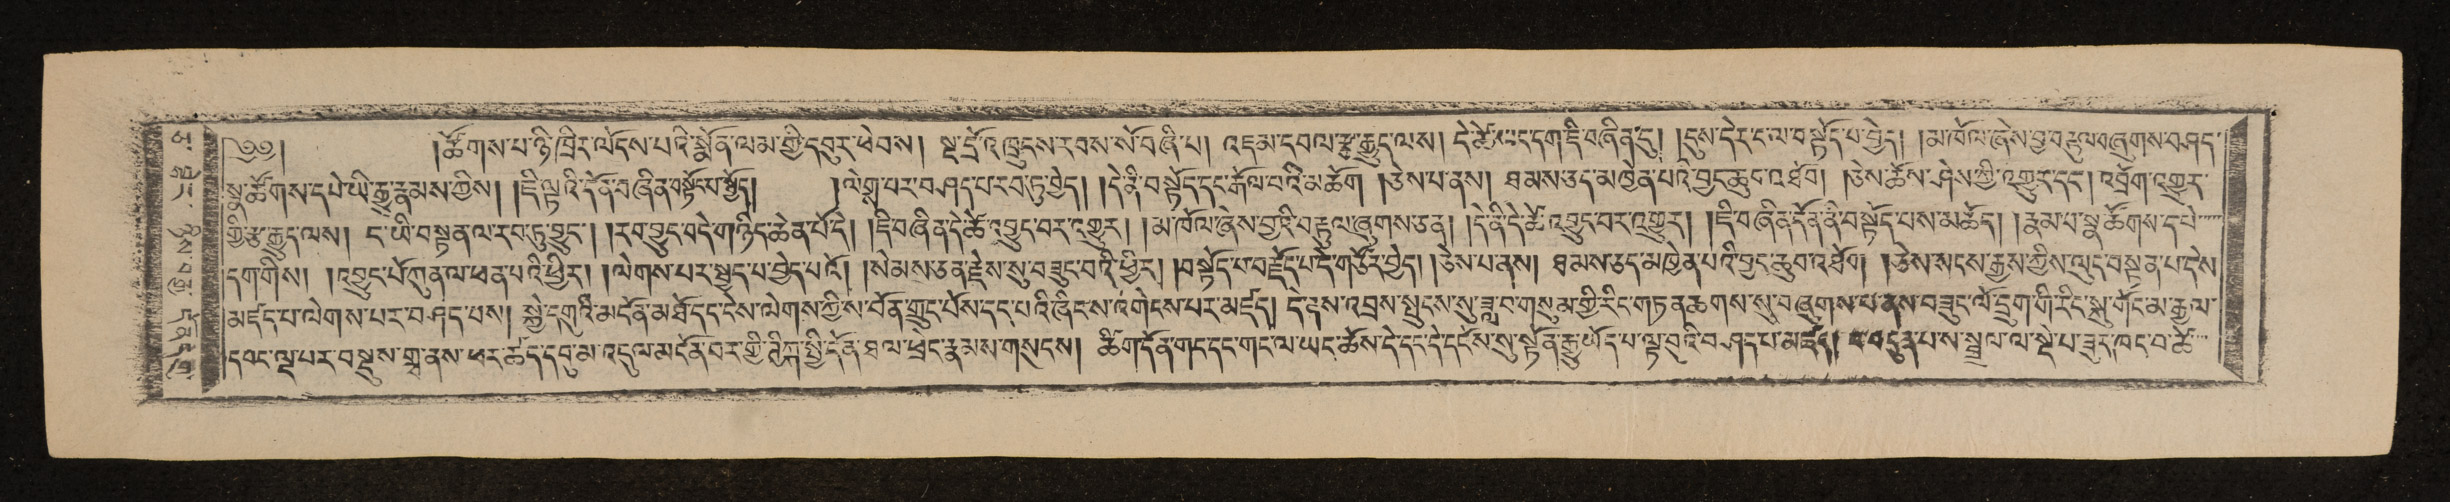༄༅། །ཚོགས་བ་ཉི་ཁྲིར་ལོངས་པའི་སྨོན་ལམ་གྱི་དབུར་ཕེབས། སྔ་དྲོ་འཁྲུངས་རབས་སོ་བཞི་པ། འཇམ་དཔལ་རྩ་རྒྱུད་ལས། དེ་ཚེ་ཡང་དག་ཇི་བཞིན་དུ། །དུས་དེར་ང་ལ་བསྟོད་པ་བྱེད། །མ་ཁོལ་ཞེས་བྱ་བརྟུལ་ཞུགས་བཟང་
སྣ་ཚོགས་དཔེ་ཡི་རྒྱུ་རྣམས་ཀྱིས། །ཇི་ལྟའི་དོན་བཞིན་བསྟོད་པར་སྦྱོར། །ལེགས་པར་བཤད་པ་རབ་ཏུ་བྱེད། །དེ་ནི་བསྟོད་དང་རྒོལ་པའི་མཆོག །ཅེས་པ་ནས། ཐམས་ཅད་མཁྱེན་པའི་བྱང་ཆུབ་འཐོབ། །ཅེས་ཆོས་ཤེས་ཀྱི་འགྱུར་དང་། འབྲོག་འགྱུར་
གྱི་རྩ་རྒྱུད་ལས། ང་ཡི་བསྟན་ལ་རབ་ཏུ་བྱུང་། །རབ་བྱུང་བདག་ཉིད་ཆེན་པོ་དེ། །ཇི་བཞིན་དེ་ཚེ་འབྱུང་བར་འགྱུར། །མ་ཁོལ་ཞེས་བྱ་བའི་བརྟུལ་ཞུགས་ཅན། །དེ་ནི་དེ་ཚེ་འབྱུང་བར་འགྱུར། །ཇི་བཞིན་དོན་ནི་བསྟོད་པས་མཆོད། །རྣམ་པ་སྣ་ཚོགས་དཔེ་
དག་གིས། །འབྱུང་པོ་ཀུན་ལ་ཕན་པའི་ཕྱིར། །ལེགས་པར་སྤྱད་པ་བྱེད་པའོ། །སེམས་ཅན་རྗེས་སུ་བཟུང་བའི་ཕྱིར། །བསྟོད་པ་བརྗོད་པ་དེ་གཙོར་བྱེད། །ཅེས་པ་ནས། ཐམས་ཅད་མཁྱེན་པའི་བྱང་ཆུབ་འཐོབ། །ཅེས་སངས་རྒྱས་ཀྱིས་ལུང་བསྟན་པ་དེས་
མཛད་པ་ལེགས་པར་བཤད་བས། སྐྱེ་དགུའི་མངོན་མཐོ་དང་ངེས་ལེགས་ཀྱི་ས་བོན་གྲུང་པོས་དད་པའི་ཞིང་ས་འགེངས་པར་མཛད། དེ་ནས་འབྲས་སྤུངས་སུ་ཟླ་བ་གསུམ་གྱི་རིང་གཏན་ལྕགས་སུ་བཞུགས་པ་ནས་བཟུང་ལོ་དྲུག་གི་རིང་སྐུ་གོང་མ་རྒྱལ་
དབང་ལྔ་པར་བསྡུས་གྲྭ་ནས་ཕར་ཚད་དབུ་མ་འདུལ་མངོན་བར་གྱི་ཏིཀྐ་སྤྱི་དོན་ཐལ་ཕྲེང་རྣམས་གསུངས། ཚིག་དོན་གང་དང་གང་ལ་ཡང་ཆོས་དེ་དང་དེ་དངོས་སུ་སྟོན་རྒྱུ་ཡོད་པ་ལྟ་བུའི་བཤད་པ་མཛད། ང་བདུན་པས་སྦྲུལ་ལ་སྡེ་པ་ཟུར་ཁང་པ་ཚ་